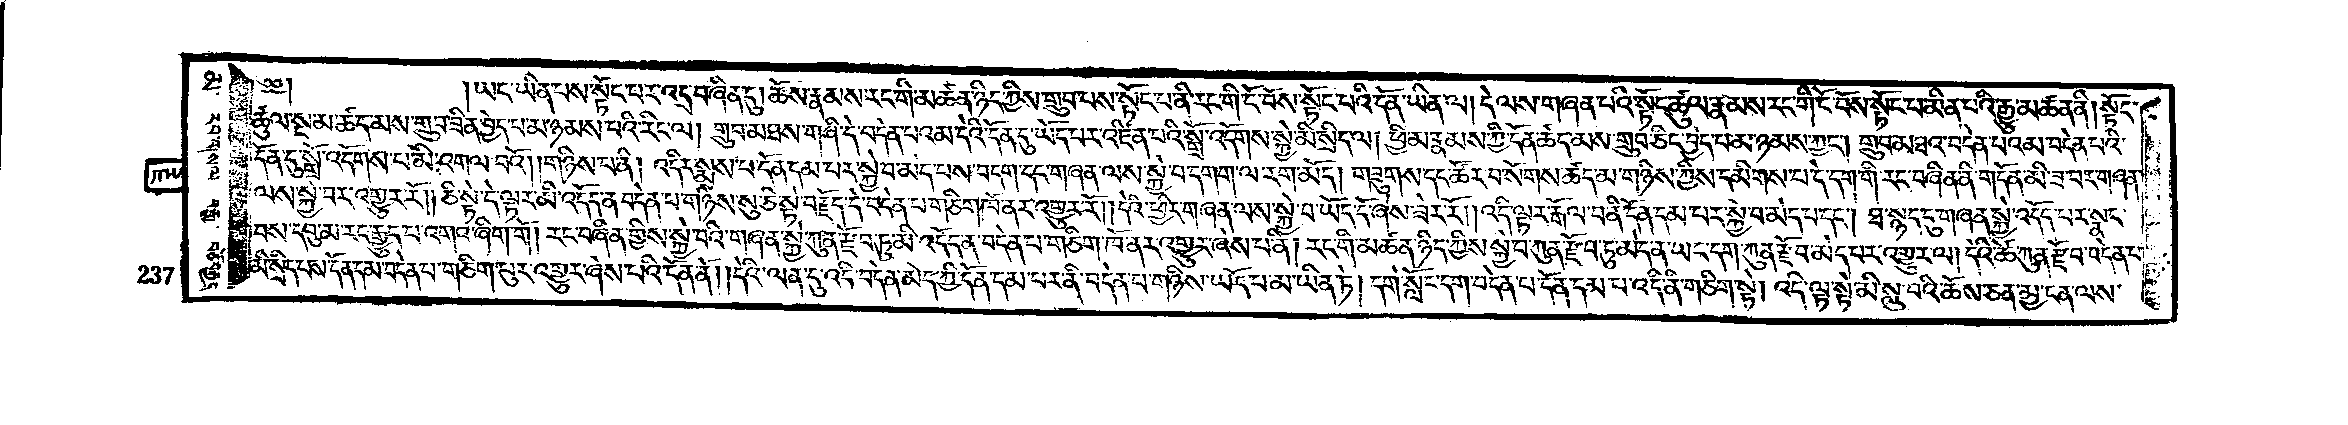༄༅། །ཡང་ཡིན་པས་སྟོང་པར་འདྲ་བཞིན་དུ། ཆོས་རྣམས་རང་གི་མཚན་ཉིད་ཀྱིས་གྲུབ་པས་སྟོང་པ་ནི་རང་གི་ངོ་བོས་སྟོང་པའི་དོན་ཡིན་ལ། དེ་ལས་གཞན་པའི་སྟོང་ཚུལ་རྣམས་རང་གི་ངོ་བོས་སྟོང་པ་མིན་པའི་རྒྱུ་མཚན་ནི། སྟོང་
ཚུལ་སྔ་མ་ཚད་མས་གྲུབ་ཟིན་བྱེད་པ་མ་ཉམས་པའི་རིང་ལ། གྲུབ་མཐས་གཞི་དེ་བདེན་པའམ་དེའི་དོན་དུ་ཡོད་པར་འཛིན་པའི་སྒྲོ་འདོགས་སྐྱེ་མི་སྲིད་ལ། ཕྱི་མ་རྣམས་ཀྱི་དོན་ཚད་མས་གྲུབ་ཅིང་བྱེད་པ་མ་ཉམས་ཀྱང་། གྲུབ་མཐའ་བདེན་པའམ་བདེན་པའི་
དོན་དུ་སྒྲོ་འདོགས་པ་མི་འགལ་བའོ། །གཉིས་པ་ནི། འདིར་སྨྲས་པ་དོན་དམ་པར་སྐྱེ་བ་མེད་པས་བདག་དང་གཞན་ལས་སྐྱེ་བ་དགག་ལ་རག་མོད། གཟུགས་དང་ཚོར་བ་སོགས་ཚད་མ་གཉིས་ཀྱིས་དམིགས་པ་དེ་དག་གི་རང་བཞིན་ནི་གདོན་མི་ཟ་བར་གཞན་
ལས་སྐྱེ་བར་འགྱུར་རོ། །ཅི་སྟེ་དེ་ལྟར་མི་འདོད་ན་བདེན་པ་གཉིས་སུ་ཅི་སྟེ་བརྗོད་དེ་བདེན་པ་གཅིག་ཁོ་ནར་འགྱུར་རོ། །དེའི་ཕྱིར་གཞན་ལས་སྐྱེ་བ་ཡོད་དོ་ཞེས་ཟེར་རོ། །འདི་ལྟར་རྒོལ་བ་ནི་དོན་དམ་པར་སྐྱེ་བ་མེད་པ་དང་། ཐ་སྙད་དུ་གཞན་སྐྱེ་འདོད་པར་སྣང་
བས་དབུ་མ་རང་རྒྱུད་པ་འགའ་ཞིག་གོ །རང་བཞིན་གྱིས་སྐྱེ་བའི་གཞན་སྐྱེ་ཀུན་རྫོབ་ཏུ་མི་འདོད་ན་བདེན་པ་གཅིག་ཁོ་ནར་འགྱུར་ཞེས་པ་ནི། རང་གི་མཚན་ཉིད་ཀྱིས་སྐྱེ་བ་ཀུན་རྫོབ་ཏུ་མེད་ན་ཡང་དག་ཀུན་རྫོབ་མེད་པར་འགྱུར་ལ། དེའི་ཚེ་ཀུན་རྫོབ་བདེན་པ་
མི་སྲིད་པས་དོན་དམ་བདེན་པ་གཅིག་པུར་འགྱུར་ཞེས་པའི་དོན་ནོ། །དེའི་ལན་དུ་འདི་བདེན་མོད་ཀྱི་དོན་དམ་པར་ནི་བདེན་པ་གཉིས་ཡོད་པ་མ་ཡིན་ཏེ། དགེ་སློང་དག་བདེན་པ་དོན་དམ་པ་འདི་ནི་གཅིག་སྟེ། འདི་ལྟ་སྟེ་མི་སླུ་བའི་ཆོས་ཅན་མྱ་ངན་ལས་